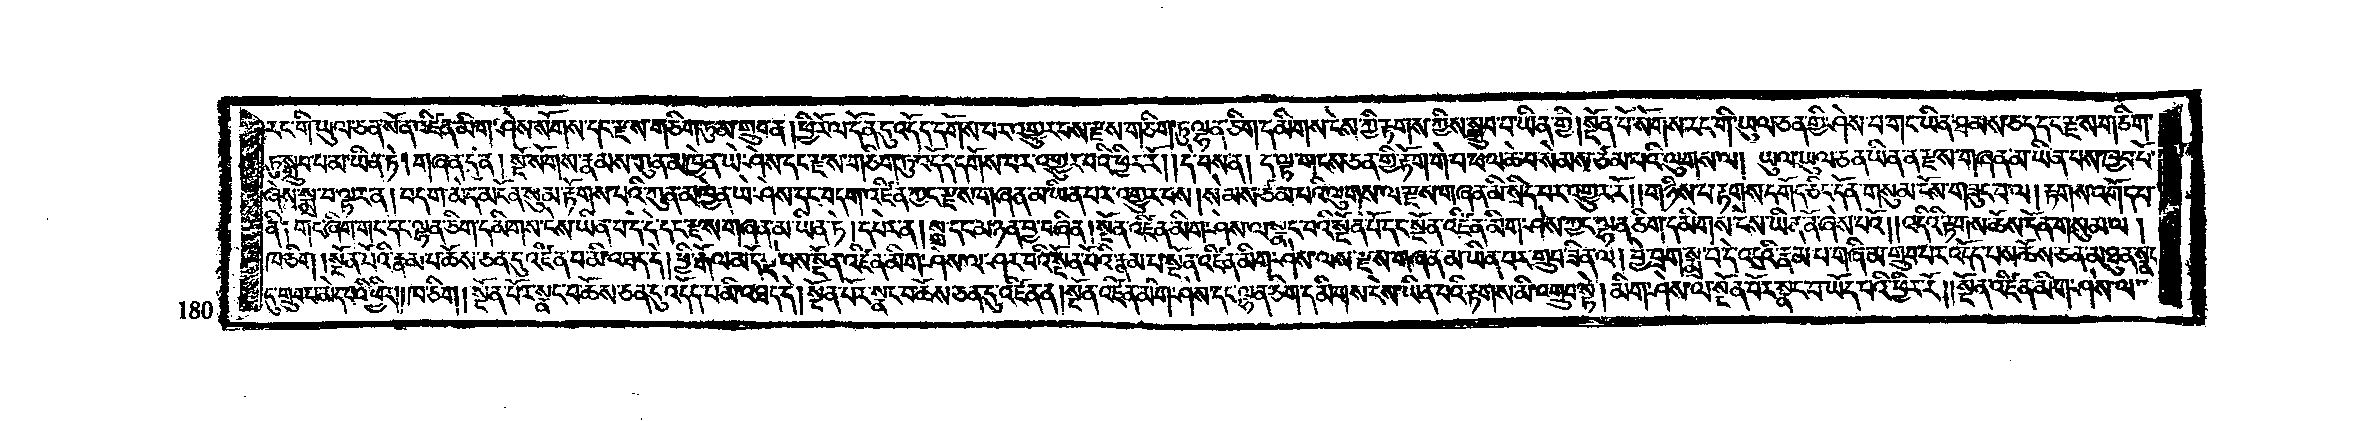རང་གི་ཡུལ་ཅན་སྔོན་འཛིན་མིག་ཤེས་སོགས་དང་རྫས་གཅིག་ཏུ་མ་གྲུབ་ན། ཕྱི་རོལ་དོན་དུ་འདོད་དགོས་པར་འགྱུར་བས་རྫས་གཅིག་ཏུ་ལྷན་ཅིག་དམིགས་ངེས་ཀྱི་རྟགས་ཀྱིས་སྒྲུབ་པ་ཡིན་གྱི། སྔོན་པོ་སོགས་རང་གི་ཡུལ་ཅན་གྱི་ཤེས་པ་གང་ཡིན་ཐམས་ཅད་དང་རྫས་གཅིག་
ཏུ་སྒྲུབ་པ་མ་ཡིན་ཏེ། གཞན་དུ་ན། སྔོ་སོགས་རྣམས་ཀུན་མཁྱེན་ཡེ་ཤེས་དང་རྫས་གཅིག་ཏུ་འདོད་དགོས་པར་འགྱུར་བའི་ཕྱིར་རོ། །དེ་བས་ན། ད་ལྟ་གངས་ཅན་གྱི་རྟོག་གེ་པ་ཕལ་ཆེ་བ་སེམས་ཙམ་པའི་ལུགས་ལ། ཡུལ་ཡུལ་ཅན་ཡིན་ན་རྫས་གཞན་མ་ཡིན་པས་ཁྱབ་པོ་
ཞེས་སྨྲ་བ་ལྟར་ན། བདག་མེད་མངོན་སུམ་རྟོགས་པའི་ཀུན་མཁྱེན་ཡེ་ཤེས་དང་བདག་འཛིན་ཀྱང་རྫས་གཞན་མ་ཡིན་པར་འགྱུར་བས། སེམས་ཙམ་པའི་ལུགས་ལ་རྫས་གཞན་མི་སྲིད་པར་འགྱུར་རོ། །གཉིས་པ་རྟགས་དགོད་ཅིང་དོན་གསུམ་ངོས་གཟུང་བ་ལ། རྟགས་འགོད་པ་
ནི། གང་ཞིག་གང་དང་ལྷན་ཅིག་དམིགས་ངེས་ཡིན་པ་དེ་དེ་དང་རྫས་གཞན་མ་ཡིན་ཏེ། དཔེར་ན། སྒྲ་དང་མཉན་བྱ་བཞིན། སྔོན་འཛིན་མིག་ཤེས་ལ་སྣང་བའི་སྔོན་པོ་དང་སྔོན་འཛིན་མིག་ཤེས་ཀྱང་ལྷན་ཅིག་དམིགས་ངེས་ཡིན་ནོ་ཞེས་པའོ། །འདིའི་རྟགས་ཆོས་དོན་གསུམ་ལ།
ཁ་ཅིག །སྔོན་པོའི་རྣམ་པ་ཆོས་ཅན་དུ་འཛིན་པ་མི་འཐད་དེ། ཕྱི་རྒོལ་མདོ་སྡེ་པས་སྔོན་འཛིན་མིག་ཤེས་ལ་ཤར་བའི་སྔོན་པོའི་རྣམ་པ་སྔོན་འཛིན་མིག་ཤེས་ལས་རྫས་གཞན་མ་ཡིན་པར་གྲུབ་ཟིན་ལ། བྱེ་བྲག་སྨྲ་བ་དེ་འདྲའི་རྣམ་པ་གཞི་མ་གྲུབ་པར་འདོད་པས་ཆོས་ཅན་མཐུན་སྣང་
དུ་གྲུབ་པ་མེད་པའི་ཕྱིར། །ཁ་ཅིག། སྔོན་པོར་སྣང་བ་ཆོས་ཅན་དུ་འདོད་པ་མི་འཐད་དེ། སྔོན་པོར་སྣང་བ་ཆོས་ཅན་དུ་འཛིན་ན། སྔོན་འཛིན་མིག་ཤེས་དང་ལྷན་ཅིག་དམིགས་ངེས་ཡིན་པའི་རྟགས་མི་འགྲུབ་སྟེ། མིག་ཤེས་ལ་སྔོན་པོར་སྣང་བ་ཡོད་པའི་ཕྱིར་རོ། །སྔོན་འཛིན་མིག་ཤེས་ལ་